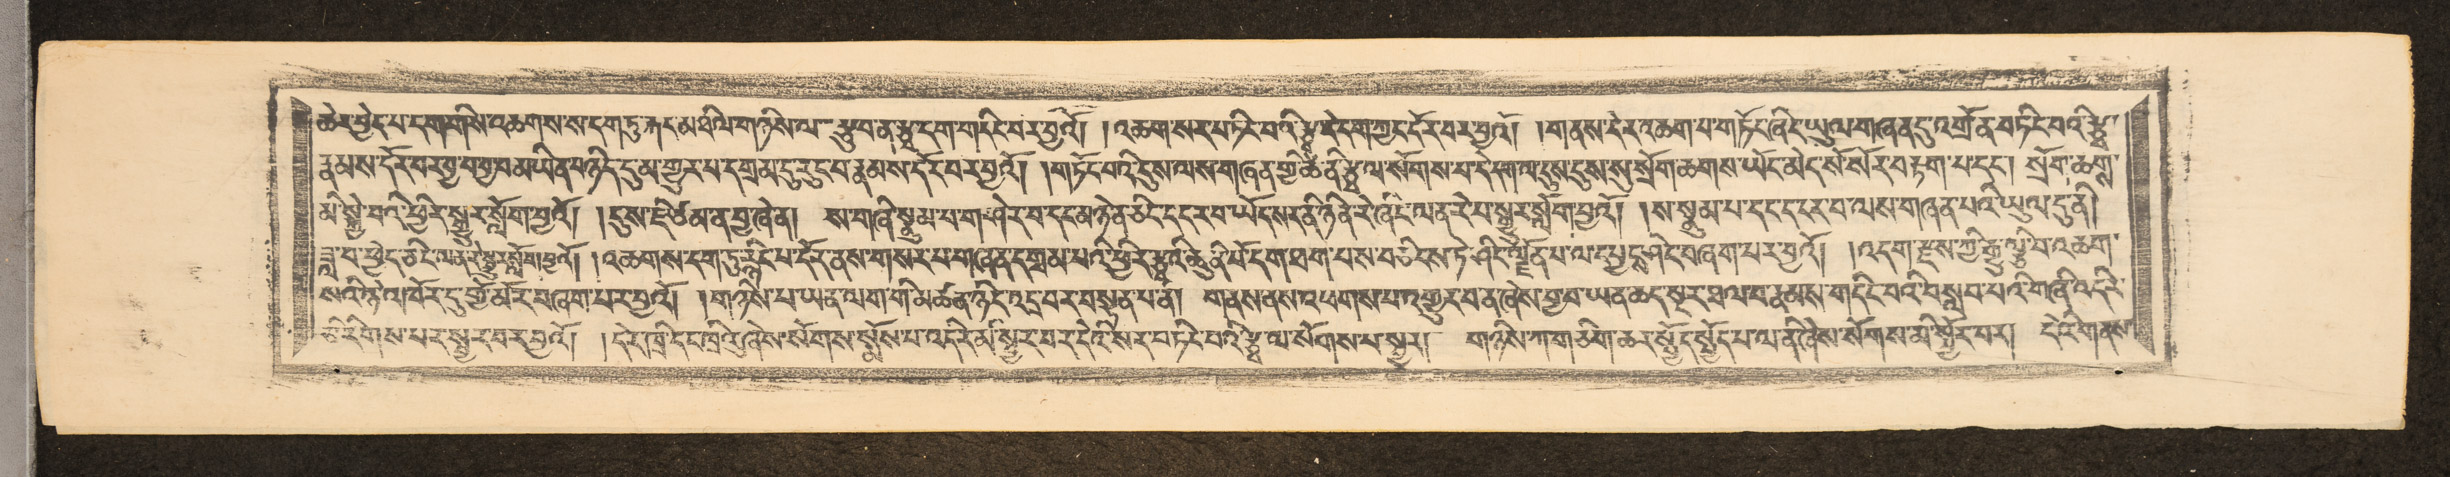ཆེར་བྱེད་པ་དག་གིས་འཆགས་ས་དག་ཏུ་རྐང་མཐིལ་གཉིས་ལ་རྩུབ་ན་རྩྭ་དག་གདིང་བར་བྱའོ། །འཆག་སར་བཏིང་བའི་རྩྭ་དེ་དག་ཀྱང་དོར་བར་བྱའོ། །གནས་དེར་འཆག་པ་གཏོད་ཞིང་ཡུལ་གཞན་དུ་འགྲོ་ན་བཏིང་བའི་རྩྭ་
རྣམས་དོར་བར་བྱ་བ་བྱ་བ་མ་ཡིན་པ་ཉིད་དུ་མ་གྱུར་པ་དགྲམ་དུ་རུང་བ་རྣམས་དོར་བར་བྱའོ། །གཏོང་བའི་དུས་ལས་གཞན་གྱི་ཚེ་ནི་རྩྭ་ལ་སོགས་པ་དེ་དག་ལ་དུས་དུས་སུ་སྲོག་ཆགས་ཡོད་མེད་སོ་སོར་བརྟག་པ་དང་། སྲོག་ཆགས་
མི་སྐྱེ་བའི་ཕྱིར་སྒྱུར་སློག་བྱའོ། །དུས་ཇི་ཙམ་ན་བྱ་ཞེ་ན། ས་གཞི་སྣུམ་པ་གཤེར་བ་དང་མཉེན་ཅིང་དངར་བ་ཡོད་སར་ནི་ཉིན་རེ་ཞིང་ལན་རེ་བསྒྱུར་སློག་བྱའོ། །ས་སྣུམ་པ་དང་དང་དངར་བ་ལས་གཞན་པའི་ཡུལ་དུ་ནི།
ཟླ་བ་ཕྱེད་ཅིང་ལན་རེ་སྦྱུར་སློག་བྱའོ། །འཆགས་དག་ཏུ་རྙིང་པ་དོར་ནས་གསར་པ་གཞན་དགྲམ་པའི་ཕྱིར་རྩྭའི་ཆུན་བོ་དག་ཐག་པས་བཅིངས་ཏེ་ཤིང་ལྗོན་པ་ལ་དཔྱངས་ཤིང་བཞག་པར་བྱའོ། །འདག་རྫས་ཀྱི་རྒྱུ་ལྕི་བ་འཆག་
སའི་ཉེ་འཁོར་དུ་གྱོ་མོར་བཞག་པར་བྱའོ། །གཉིས་པ་ཡན་ལག་གི་མཚན་ཉིད་འདྲ་བར་བསྟན་པ་ནི། གནས་ནས་འཕགས་པ་འགྱུར་བ་ན་ཞེས་བྱ་བ་ཡན་ཆད་སྔར་ཐལ་བ་རྣམས་གདིང་བའི་བསླབ་པའི་གཞི་འདིར་
ཅི་རིགས་པར་སྦྱར་བར་བྱའོ། །དེར་ཁྲི་དང་ཁྲིའུ་ཞེས་སོགས་སྨོས་པ་འདིར་མི་སྦྱར་བར་དེའི་སར་བཏིང་བའི་རྩྭ་ལ་སོགས་པ་སྦྱར། གཉིས་ཀ་གཅིག་ཆར་སྤྱོད་སྤྱོད་པ་ལ་ནི་ཞེས་སོགས་མི་སྦྱོར་བར། དེའི་གནས་